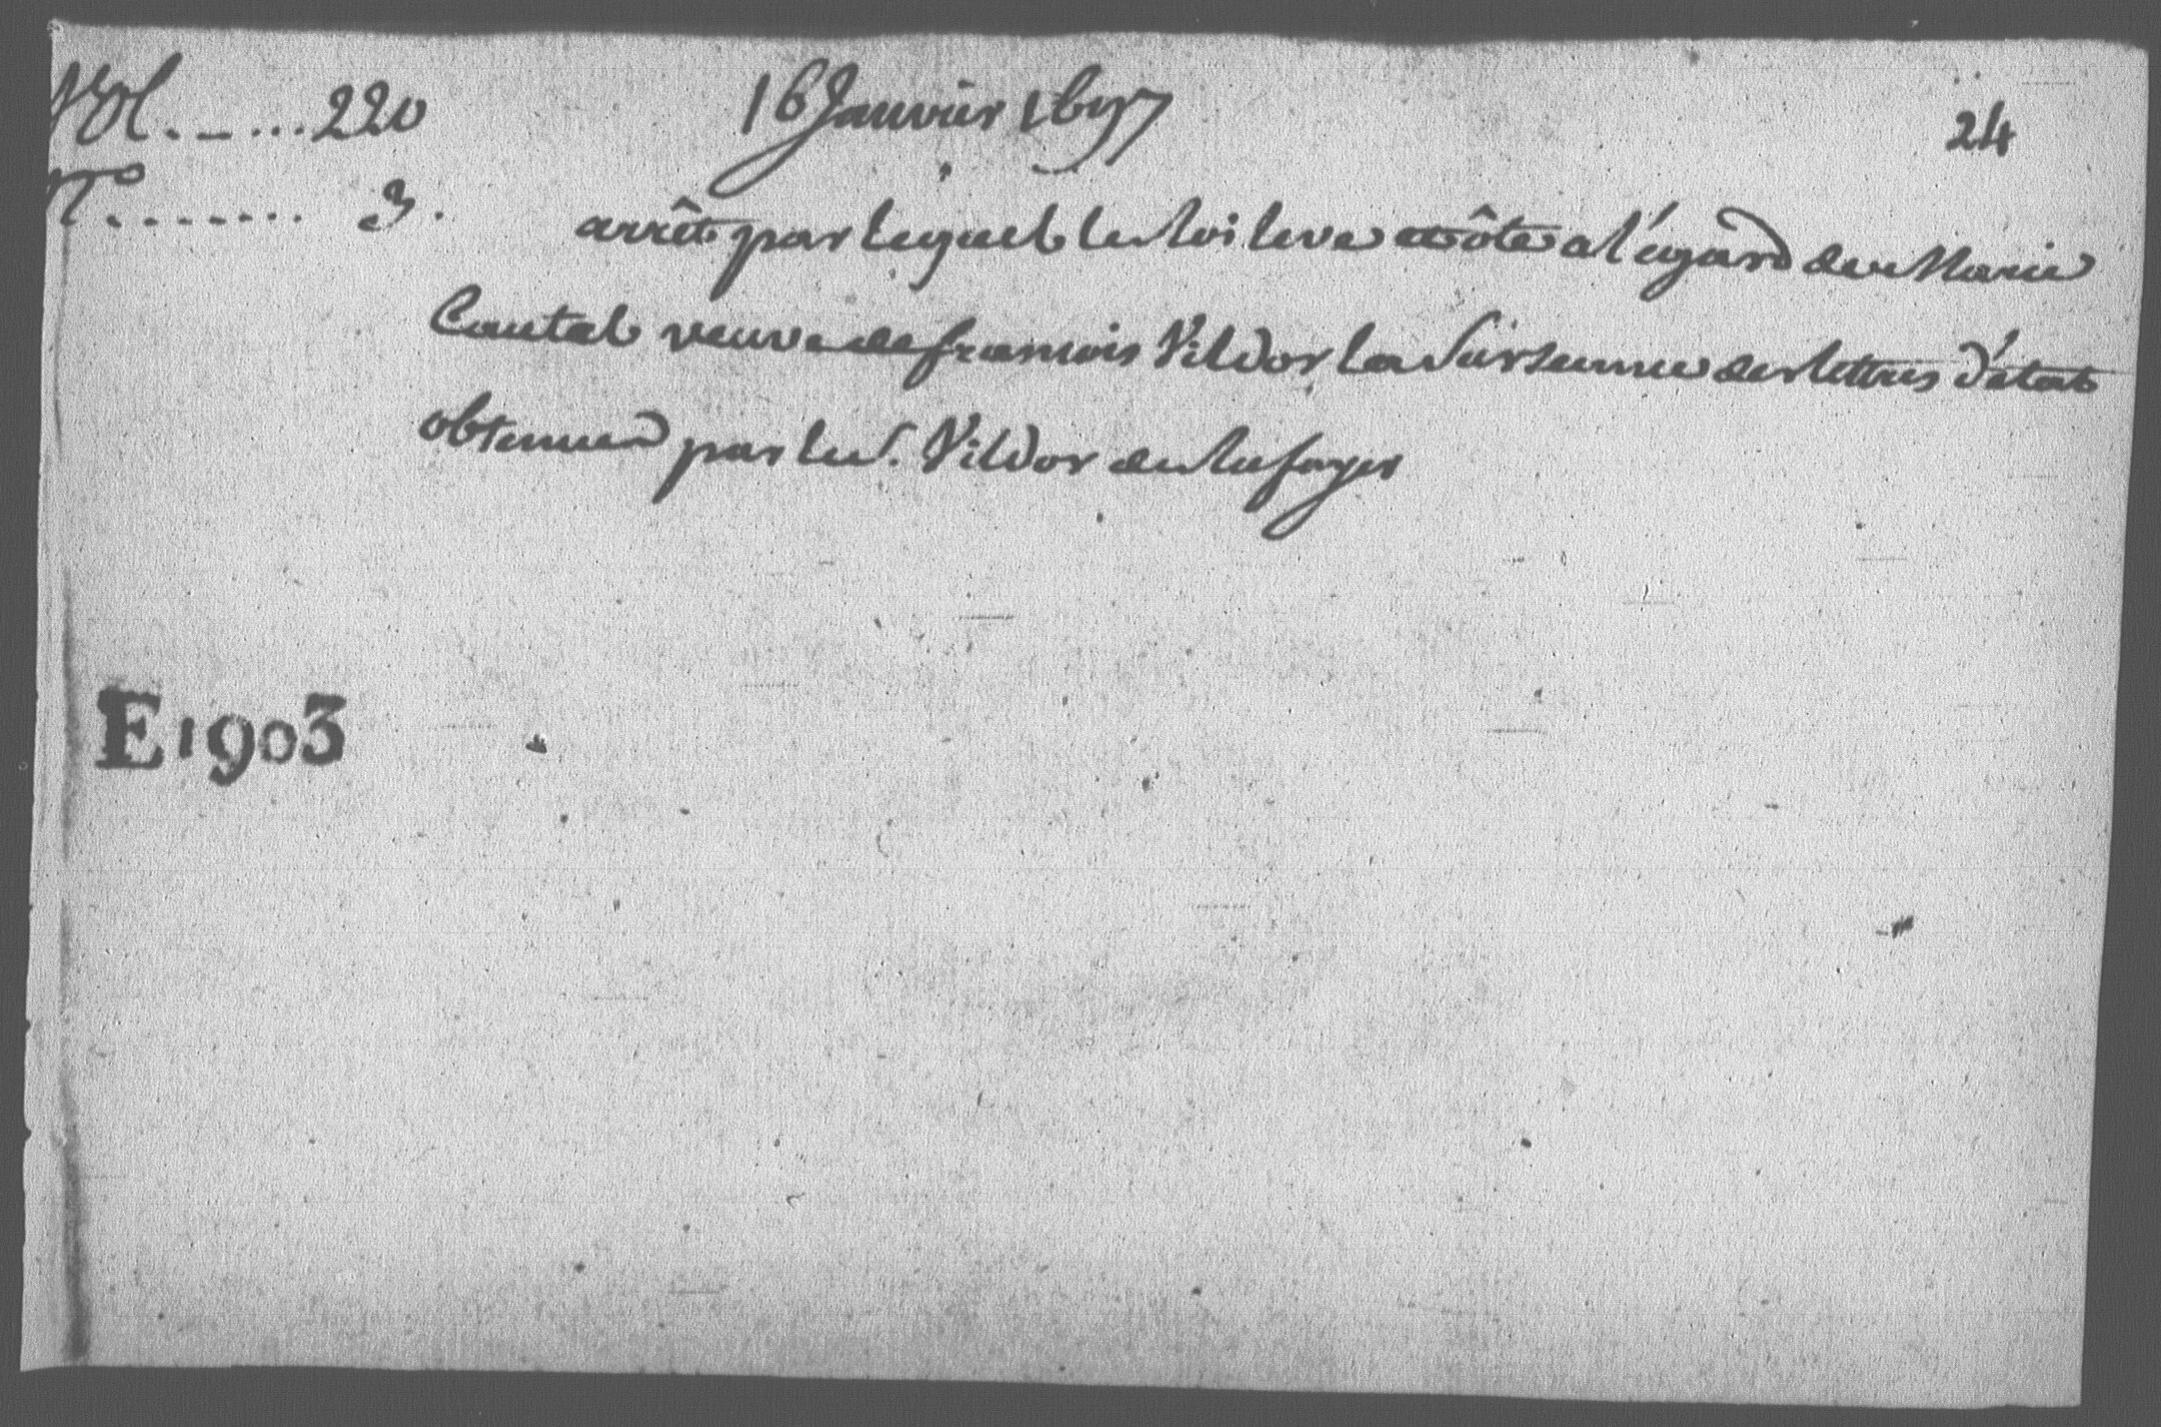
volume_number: n°3
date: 16 janvier 1697
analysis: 24
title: arrêt par lequel le Roi leve et ôte a l'égard du Marie Cautal veuve de François Vildor la surseance des lettres d'état obtenues par le S. Vildor de Rufayer
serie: E
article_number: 1903
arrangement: vol. 220
